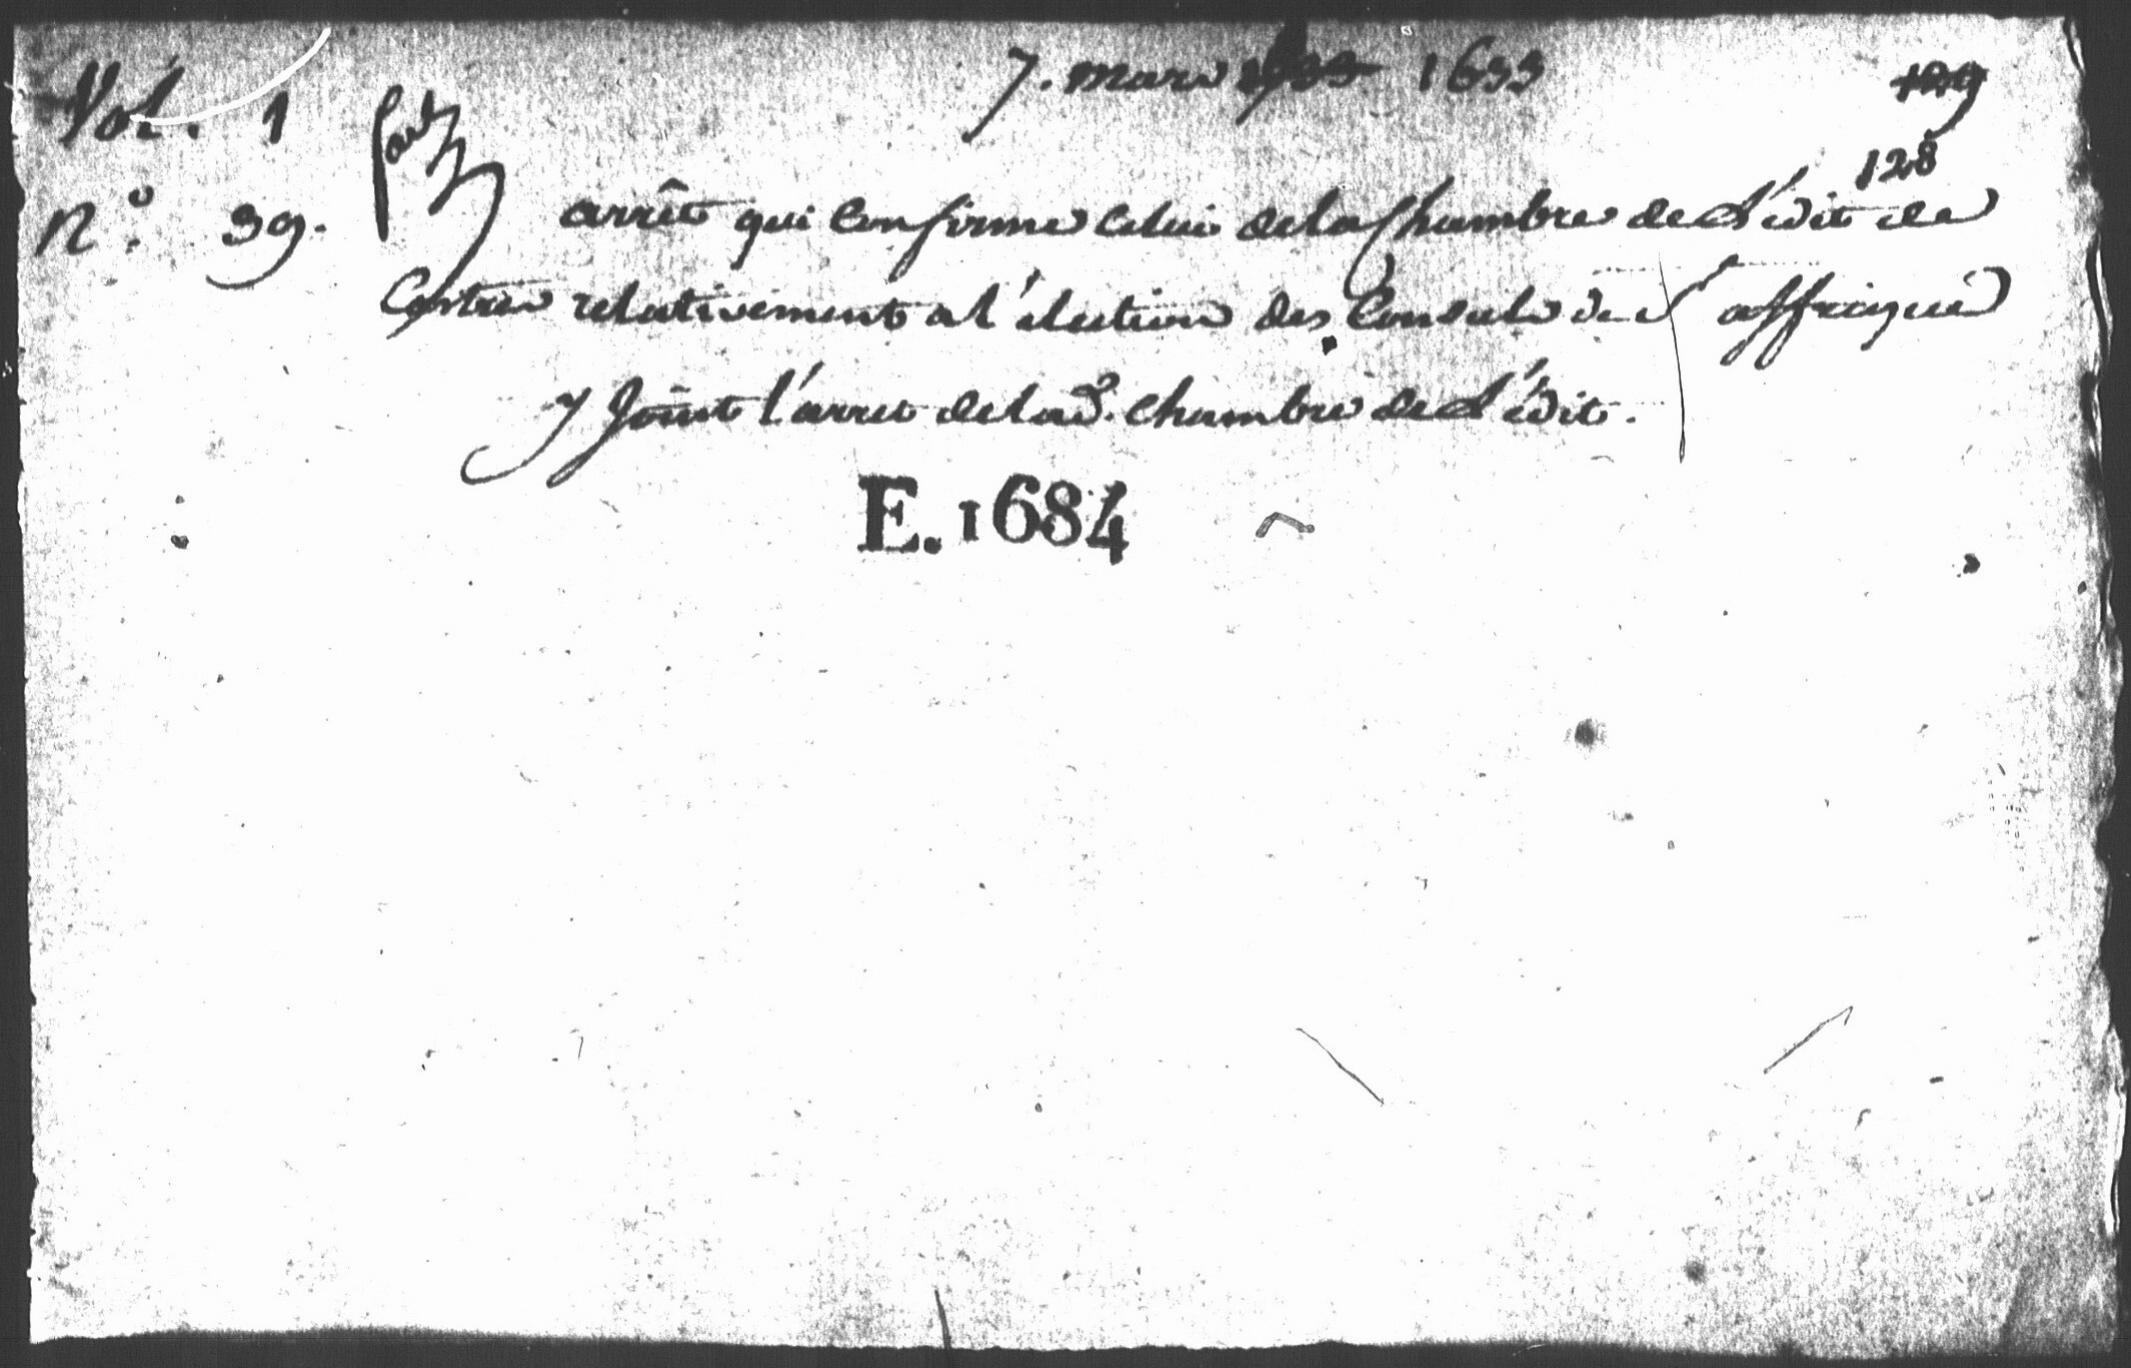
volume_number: n°39
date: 7 mars 1633
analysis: fait 128 [129 barré]
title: arrêt qui confirme celui de la Chambre de l'edit de Castres relativement a l'election des Consuls de St affrique y joint l'arret delad. chambre de l'edit.
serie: E
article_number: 1684
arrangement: vol. 1
